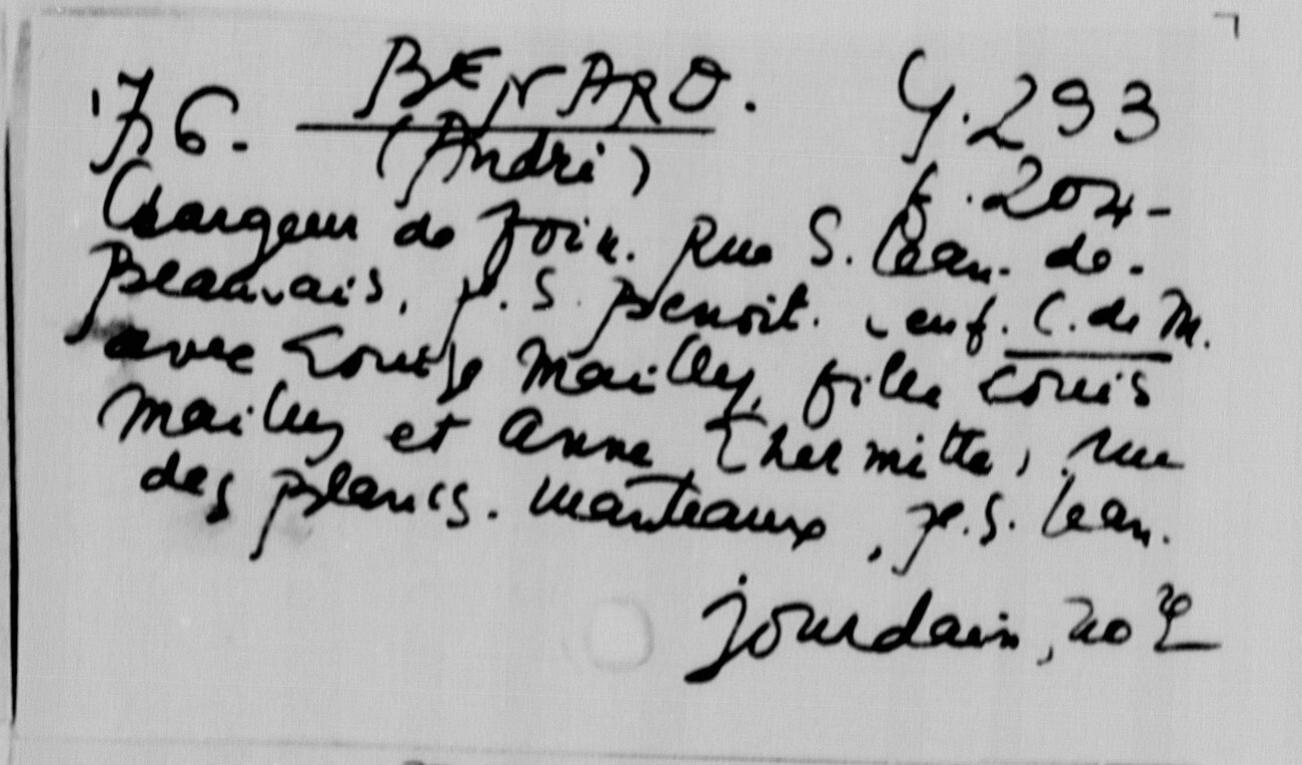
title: BENARD (André)
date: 1716
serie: Y
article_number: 293
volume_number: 204
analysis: Chargeur de Foin, rue Saint-Jean-de-Beauvais, paroisse Saint-Benoît. Veuf. Contrat de mariage avec Louise Mailly, fille Louis Mailly et Anne Lhermitte, rue des Blancs-Manteaux, paroisse Saint-Jean. Jourdain, notaire
